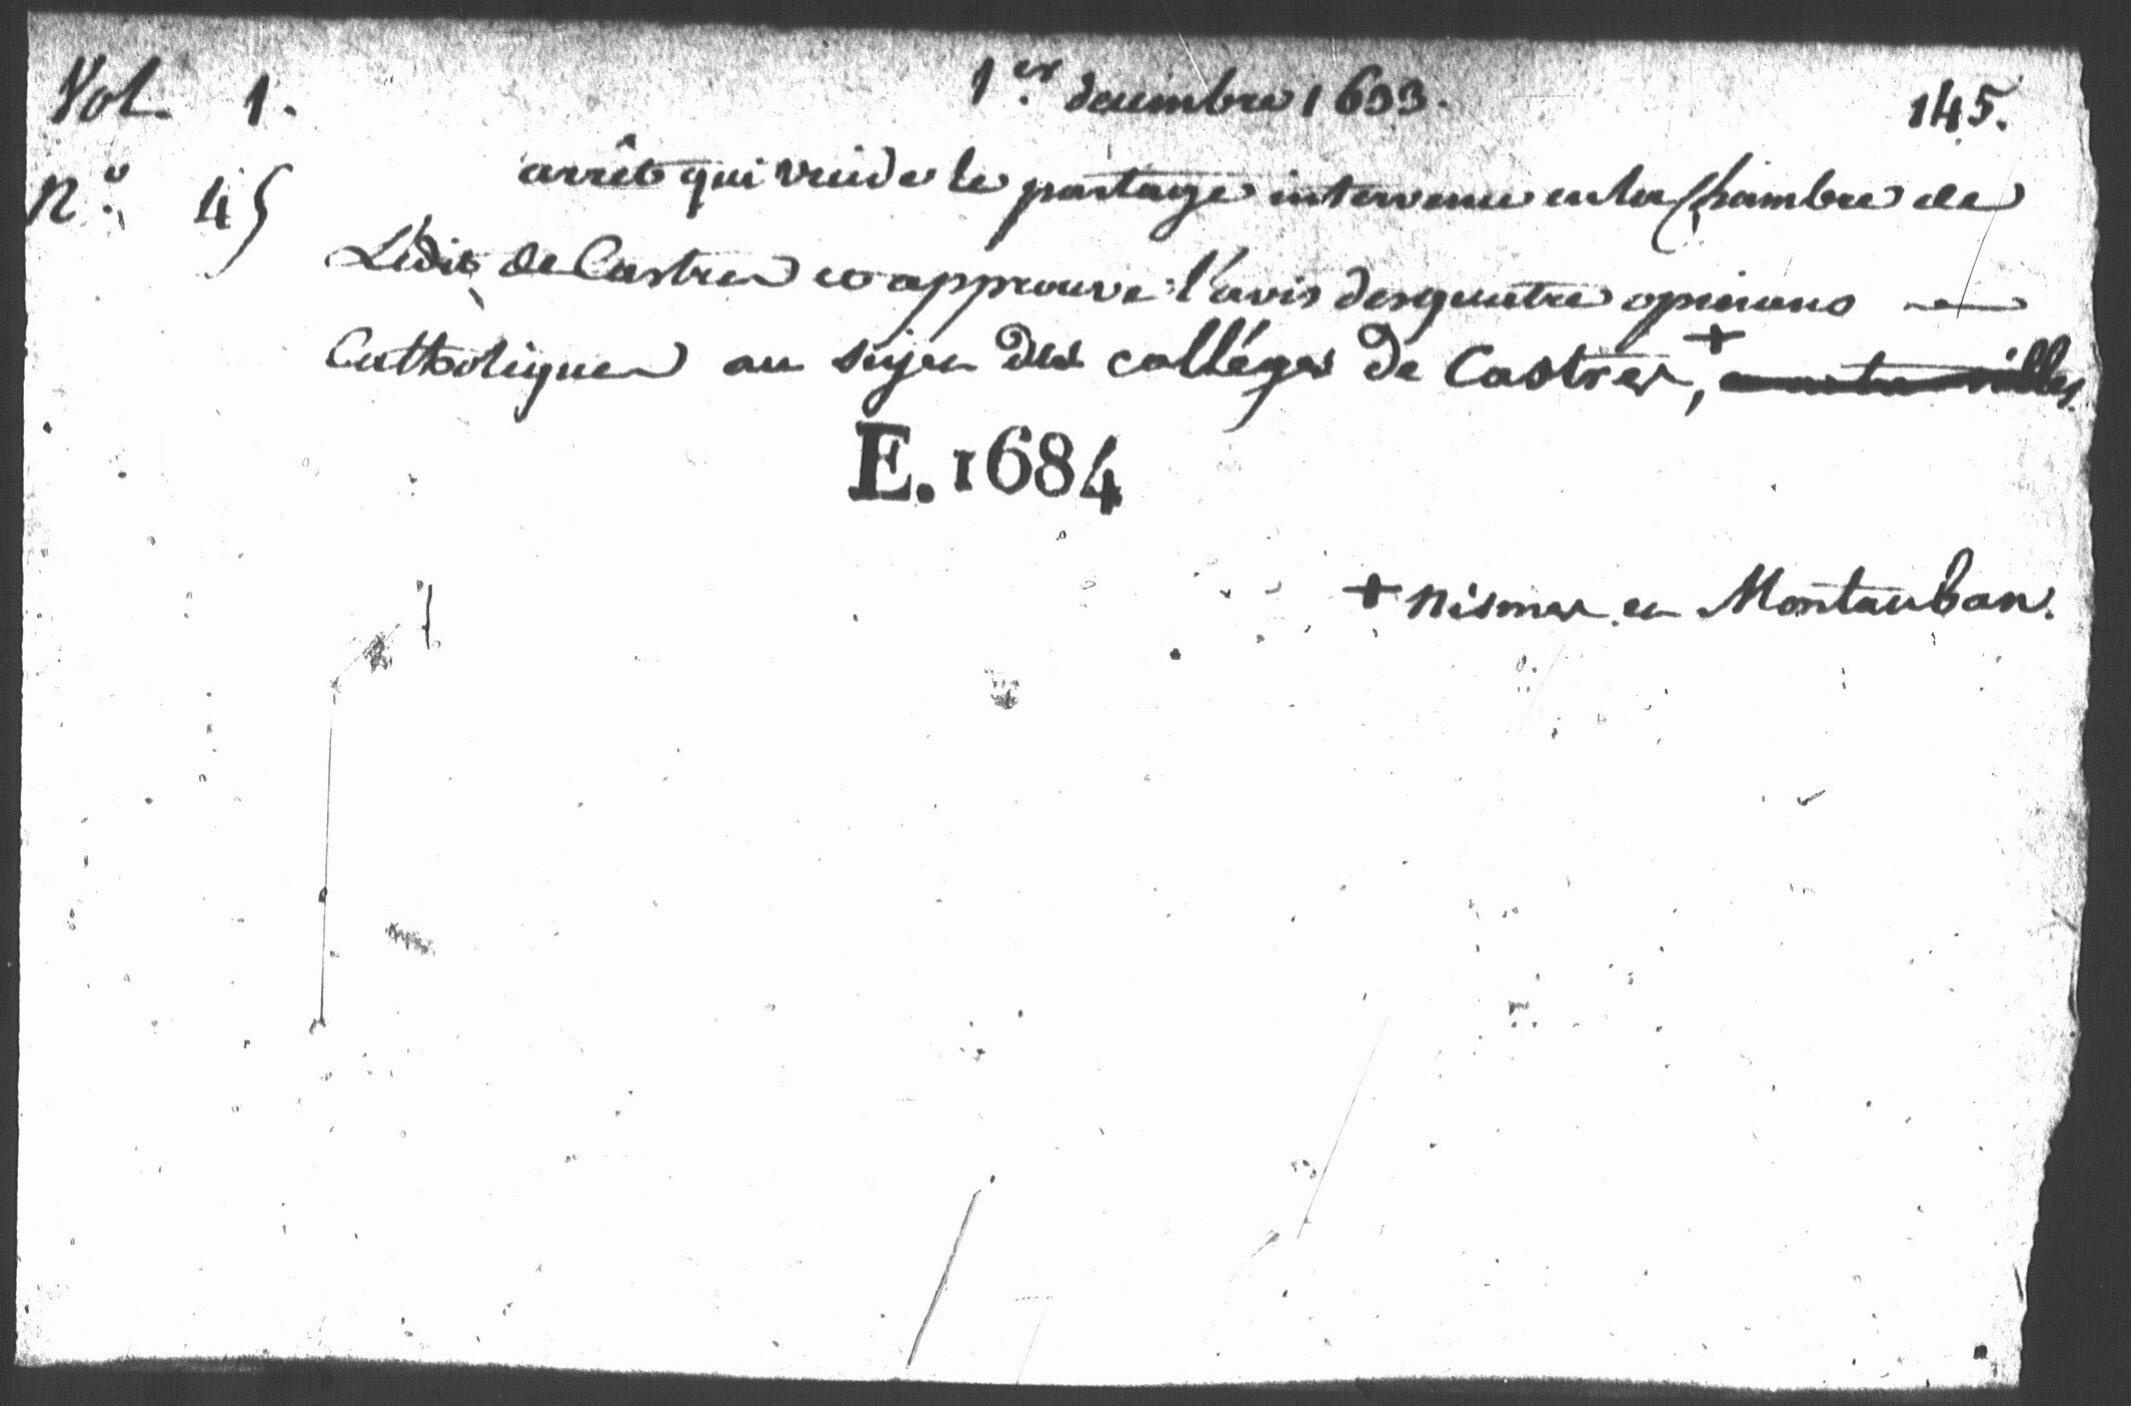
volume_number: n°45
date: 1 décembre 1633
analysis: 145
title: arrêt qui vuide le partage intervenu en la chambre de l'edit de Castres et approuve l'avis des quatre opinans catholiques au sujet des collèges de Castres, Nismes et Montauban.
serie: E
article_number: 1684
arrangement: vol. 1
